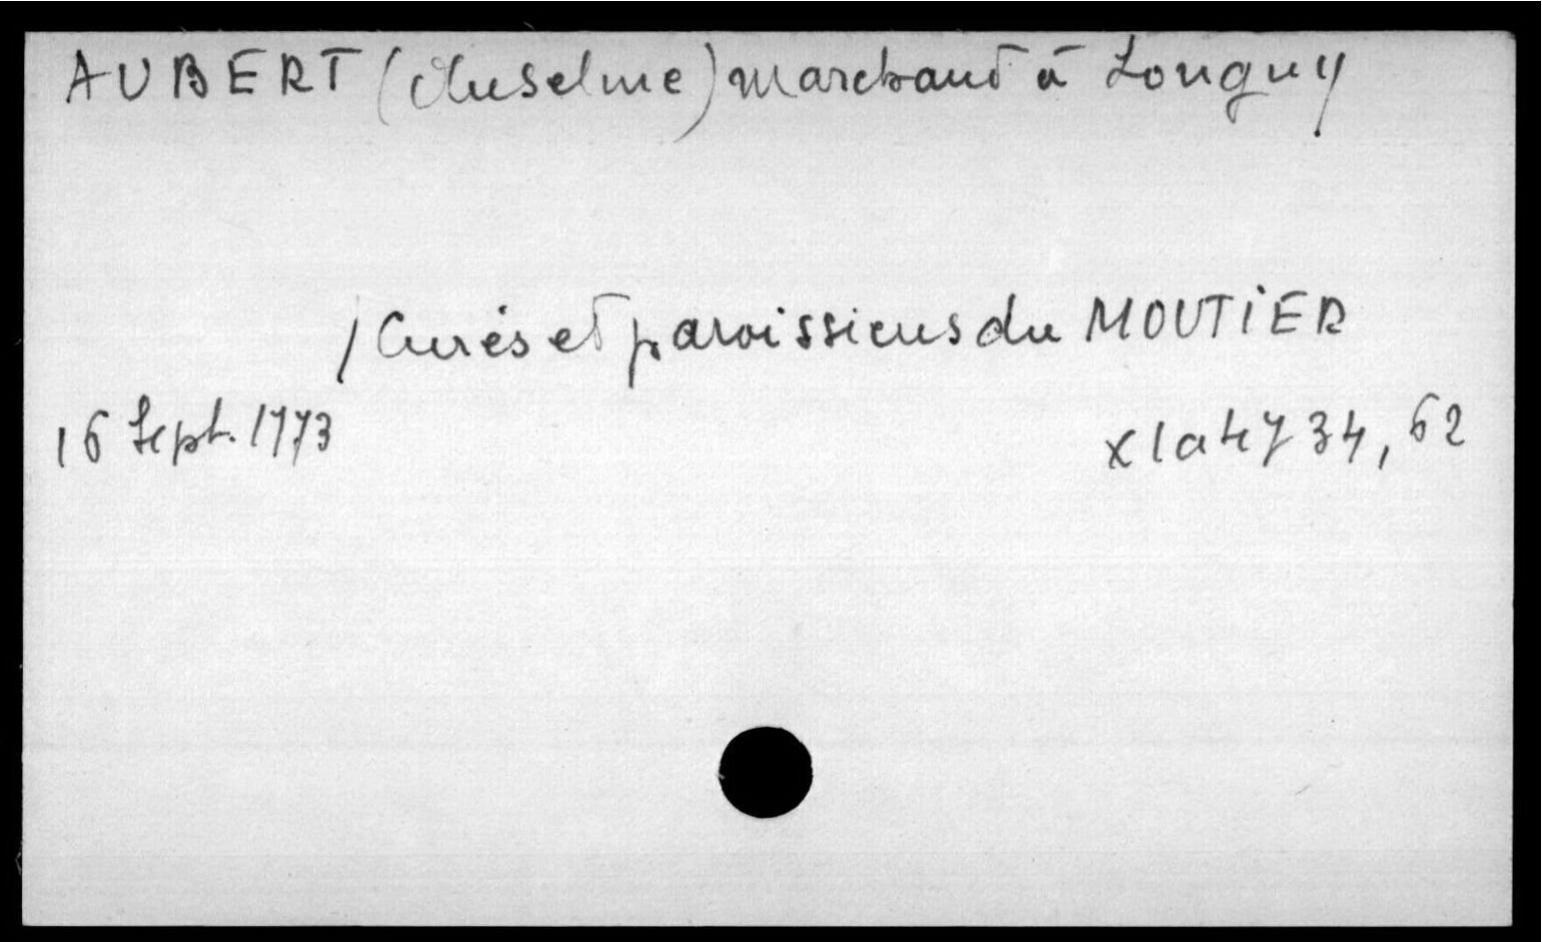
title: AUBERT (Anselme) marchand à Longuy
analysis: Contre Curés et paroissiens du MOUTIER
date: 16 septembre 1773
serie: X1a
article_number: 4734
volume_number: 62
